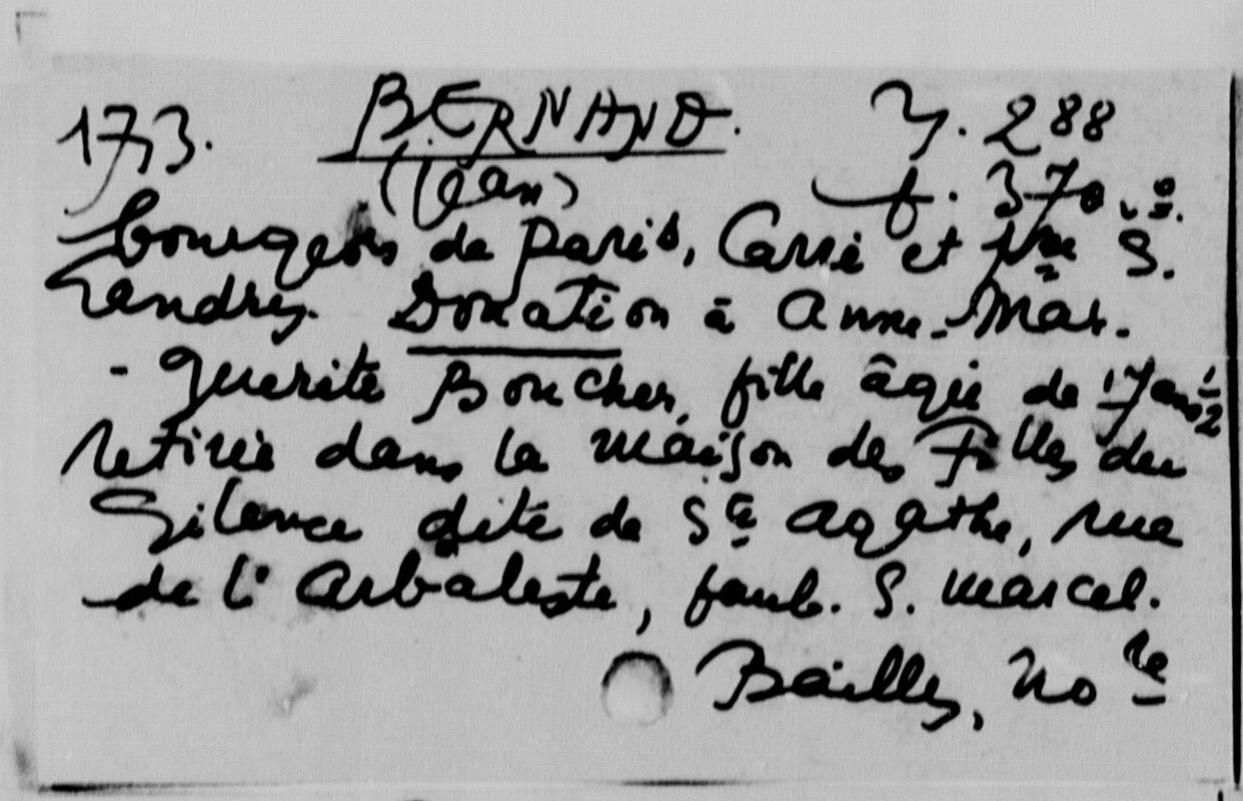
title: BERNAND (Jean)
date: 1713
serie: Y
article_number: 288
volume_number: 370v
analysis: Bourgeois de Paris, carré et paroisse Saint-Landry. Donation à Anne-Marguerite Boucher, fille âgée de 17 ans 1/2 retirée dans la maison des Filles du Silence, dite de Sainte-Agathe, rue de l'Arbaleste, faubourg Saint-Marcel. Bailly, notaire.
